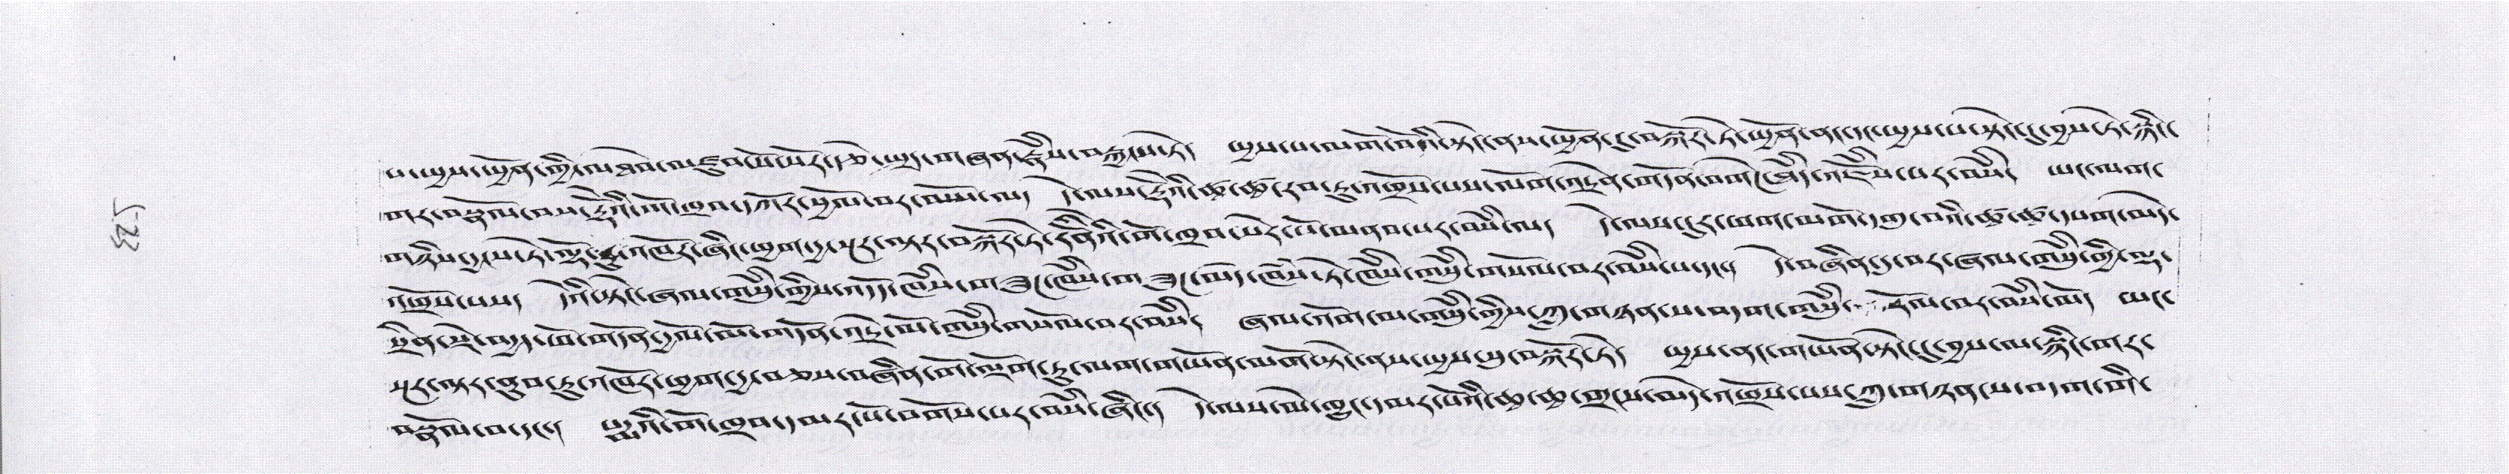པ་གཡས་གཡོན་གྱི་མཐེ་ཆུང་སོ་སོར་རྩེ་སྤྲད་གཞན་རྣམས་བརྐྱངས་ཏེ། གཡས་པ་མགོ་བོའི་སྟེང་དུ་གཡོན་དུ་བསྐོར་ཏེ་གཡོན་ནང་དང་གཡས་པ་སྟེང་དུ་བྱས་ཏེ་སྙིང་
གར་བསྣོལ་བས་རྡོ་རྗེིའི་གོ་ཁྲབ་དཀར་པོ་གསོལ་བར་མོས་ལ། དེ་ལས་རྡོ་རྗེའི་ཚྭ་ཚྭ་རབ་ཏུ་འཁྲོས་པས་ལོག་འདྲེན་གདོན་བགེགས་ཐམས་ཅད་འཇོམས་པར་བསམ། ཡང་ལག་
གཉིས་རྒྱངས་ཏེ་ལྷོ་རུ་འཁོར་ཞིང་ཕྱག་རྒྱ་སྔར་ལྟར་བསྐོར་ཏེ་རིན་པོ་ཆེའི་གོ་ཁྲབ་སེར་པོ་མནབ་པར་བསམ་ལ། དེ་ལས་དུར་ཕག་མགོ་དགུ་བའི་ཚྭ་ཚྭ་དཔག་མེད་
འཕྲོས་པས། དེའི་སྟེང་ཞལ་གསུམ་གྱིས་འདོད་ཁམས་གཟུགས་ཁམས་གཟུགས་མེད་ཁམས་ཏེ་ཁམས་གསུམ་གསོལ་བར་བསམ་པ་དང་། དེ་བཞིན་དུ་བར་ཞལ་གསུམ་གྱི་ལྷ་
སྲིན་སྡེ་བརྒྱད་ཕོ་གདོན་རྒྱལ་པོ་མོ་གདོན་འདྲེ་མོ་གསུམ་གསོལ་བར་བསམ། ཞལ་འོག་མ་གསུམ་གྱིས་ཀླུ་གཉན་ས་བདག་གསུམ་གསོལ་རོལ་བར་བསམ་མོ། ཡང་
སྔར་ལྟར་ནུབ་ཏུ་འཁོར་ཕྱག་རྒྱ་བཅས་བཞིན་གོ་ལྡོག་ཏུ་ལག་གཡོན་མགོ་སྟེང་ནས་གཡས་སུ་བསྐོར་ཏེ། གཡས་ནད་གཡོག་སྟེང་དུ་བྱས་ལ་སྙིང་གར་
བསྣོལ་བ་དང་། པདྨའི་གོ་ཁྲབ་དམར་པོ་བགོས་པར་བསམ་ཞིང་། དེ་ལས་མེ་ཁྱུང་དམར་པོའི་ཚྭ་ཚྭ་གྲངས་མེད་འཕྲོས་པས་ཀླུ་གཉན་ས་བདག་གི་